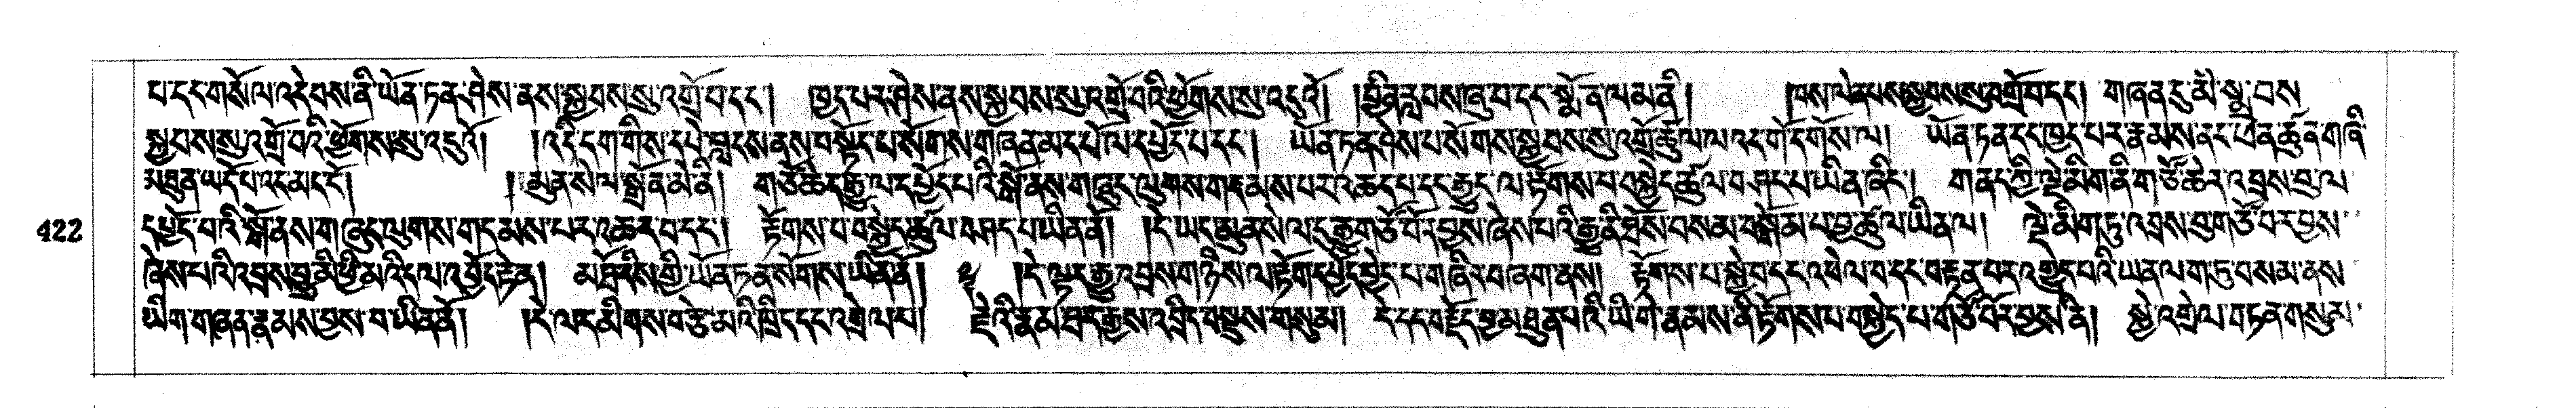པ་དང་གསོལ་འདེབས་ནི་ཡོན་ཏན་ཤེས་ནས་སྐྱབས་སུ་འགྲོ་བ་དང་། ཁྱད་པར་ཤེས་ནས་སྐྱབས་སུ་འགྲོ་བའི་ཕྱོགས་སུ་འདུའོ། །བྱིན་རླབས་ཞུ་བ་དང་སྨོན་ལམ་ནི། ཁས་ལེན་པས་སྐྱབས་སུ་བགྲོ་བ་དང་། གཞན་དུ་མི་སྨྲ་བས་
སྐྱབས་སུ་འགྲོ་བའི་ཕྱོགས་སུ་འདུའོ། །འདི་དག་གིས་དཔེ་བླངས་ནས་བསྟོད་པ་སོགས་གཞན་མང་པོ་ལ་དཔྱོད་པ་དང་། ཡོན་ཏན་ཤེས་པ་སོགས་སྐྱབས་སུ་འགྲོ་ཚུལ་ལའང་གོ་དགོས་ལ། ཡོན་ཏན་དང་ཁྱད་པར་རྣམས་ནང་ཕན་ཚུན་གཞི་
མཐུན་ཡོད་པ་འང་མང་ངོ། །མུན་སེལ་སྒྲོན་མེ་ནི། གཙོ་ཆེད་རྒྱུ་ལ་དཔྱོད་པའི་སྒོ་ནས་གཞུང་ལུགས་གདམས་པར་འཆད་པ་དང་རྒྱུད་ལ་རྟོགས་པ་བསྐྱེད་ཚུལ་བཤད་པ་ཡིན་ཞིང་། གནད་ཀྱི་ལྡེ་མིག་ནི་གཙོ་ཆེར་འབྲས་བུ་ལ་
དཔྱོད་པའི་སྒོ་ནས་གཞུང་ལུགས་གདམས་པར་འཆད་བ་དང་། རྟོགས་པ་བསྐྱེད་ཚུལ་བཤད་པ་ཡིན་ནོ། །དེ་ཡང་མུན་སེལ་དུ་རྒྱུ་གཙོ་བོར་བྱས་ཞེས་པའི་རྒྱུ་ནི་ཐོས་བསམ་བསྒོམ་པ་བྱ་ཚུལ་ཡིན་ལ། ལྡེ་མིག་ཏུ་འབྲས་བུ་གཙོ་བར་བྱས་
ཞེས་པའི་འབྲས་བྱུ་མི་ཕྱི་མའི་དལ་འབྱོད་རྟེན། མཐོ་རིས་གྱི་ཡོན་ཏན་སོགས་ཡིན་ནོ། ༈ །དེ་ལྟར་རྒྱུ་འབྲས་གཉིས་ལ་རྟོག་དཔྱོད་བྱེད་པ་གཞིར་བཞག་ནས། རྟོགས་པ་སྐྱེ་བ་དང་འཕེལ་བ་དང་བརྟན་པར་འགྱུར་བའི་ཡན་ལག་ཏུ་བསམ་ནས་
ཡིག་གཞན་རྣམས་བྱས་བ་ཡིན་ནོ། །དེ་ལ་དམིགས་བརྩེ་མའི་ཁྲིད་དང་འགྲེལ་བ། རྗེའི་རྣམ་ཐར་རྒྱས་འབྲིད་བསྡུས་གསུམ། དེ་དང་བརྗོད་བྱ་མཐུན་པའི་ཡི་གེ་རྣམས་ནི་རྟོགས་པ་བསྐྱེད་པ་གཙོ་བོར་བྱས་ནི། སྐྱེ་འགྲེལ་བཏན་གསུམ་